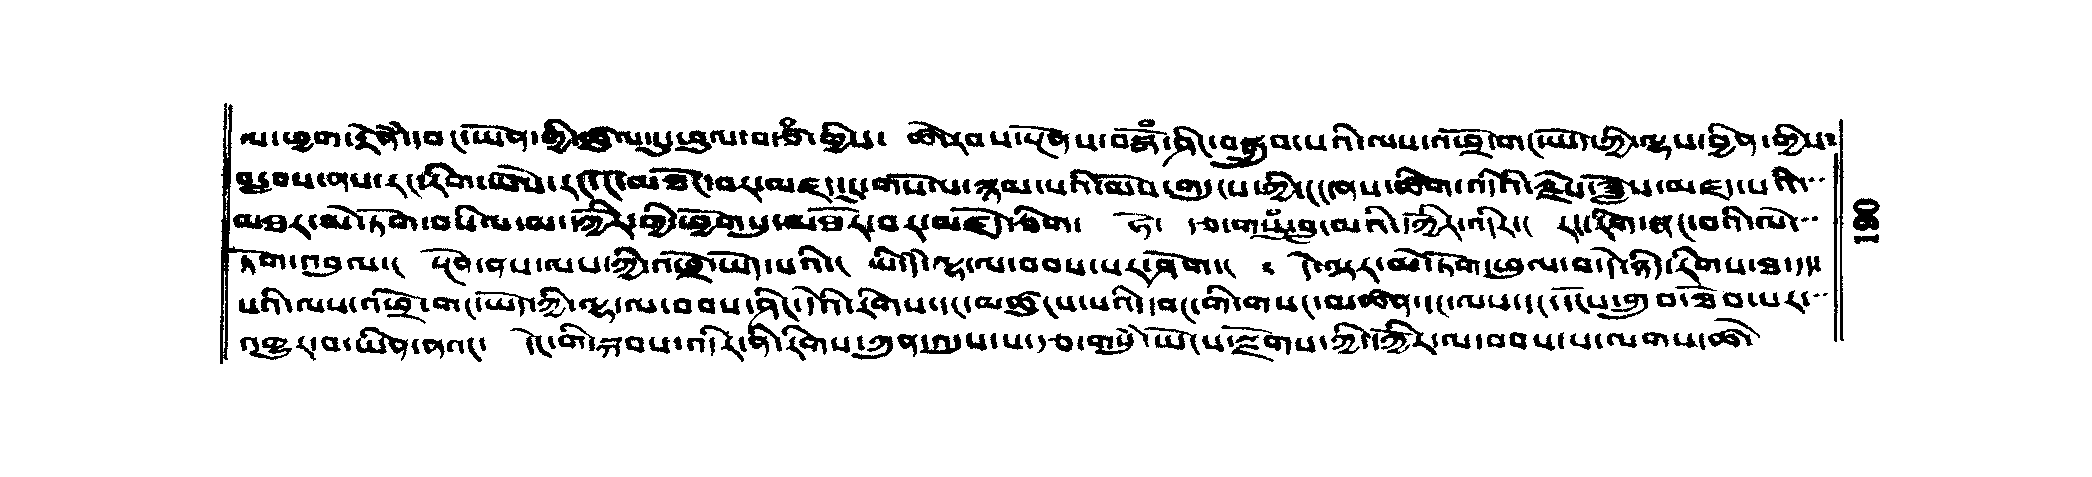ལ་ཕྱག་རྟེན་ནམ་དབང་ཡོན་གྱི་ཚུལ་དུ་ཕུལ་བ་ཙམ་གྱིས། ཚེ་རབས་སྔོན་ནས་བསྒོམ་ཤིང་བསྒྲུབ་པའི་ལས་འཕྲོ་གང་ཡོད་ཀྱི་ལྷས་བྱིན་གྱིས་
བརླབས་ནས་རང་རིག་ཡེ་ཤེས་རང་ངོ་མཐོང་བར་མཛད་དུ་གསོལ་སྙམ་པའི་མོས་གདུངས་ཀྱི་ངང་ནས་ཚིག་འདིའི་རྗེས་ཟློས་མཛད་པའི་
མཐར་མེ་ཏོག་བསིལ་མ་དཀྱིལ་འཁོར་གྱི་ཕྱོགས་སུ་མཐོར་བར་མཛོད་ཅིགཧོ། རྩ་གསུམ་བླ་མའི་དཀྱིལ་འཁོར་འདིར། རང་རིག་སྣང་བའི་མེ་
ཏོག་འབུལ། སྔོན་ནས་ལས་ཀྱི་འཕྲོ་ཡོད་པའི། ཡི་དམ་ལྷ་ལ་བབས་པར་ཤོག དེ་ལྟར་མེ་ཏོག་ཕུལ་བ་དེ་ཉིད་རིགས་ཐ་དད་
པའི་ལས་འཕྲོ་གང་ཡོད་ཀྱི་ལྷ་ལ་བབས་ཤིང་དེའི་རིགས་དང་མཚུངས་པའི་དབང་གི་གསང་མཚན་དང་ལས་དང་དངོས་གྲུབ་ཐོབ་པར་
འགྱུར་བ་ཡིན་ནའང་། དེང་གི་སྐབས་འདིར་ནི་རིགས་ཀུན་འདུས་པ་རྩ་གསུམ་ཡོངས་རྫོགས་ཀྱི་དཀྱིལ་འཁོར་ལ་བབས་པ་ལགས་ཚེ་